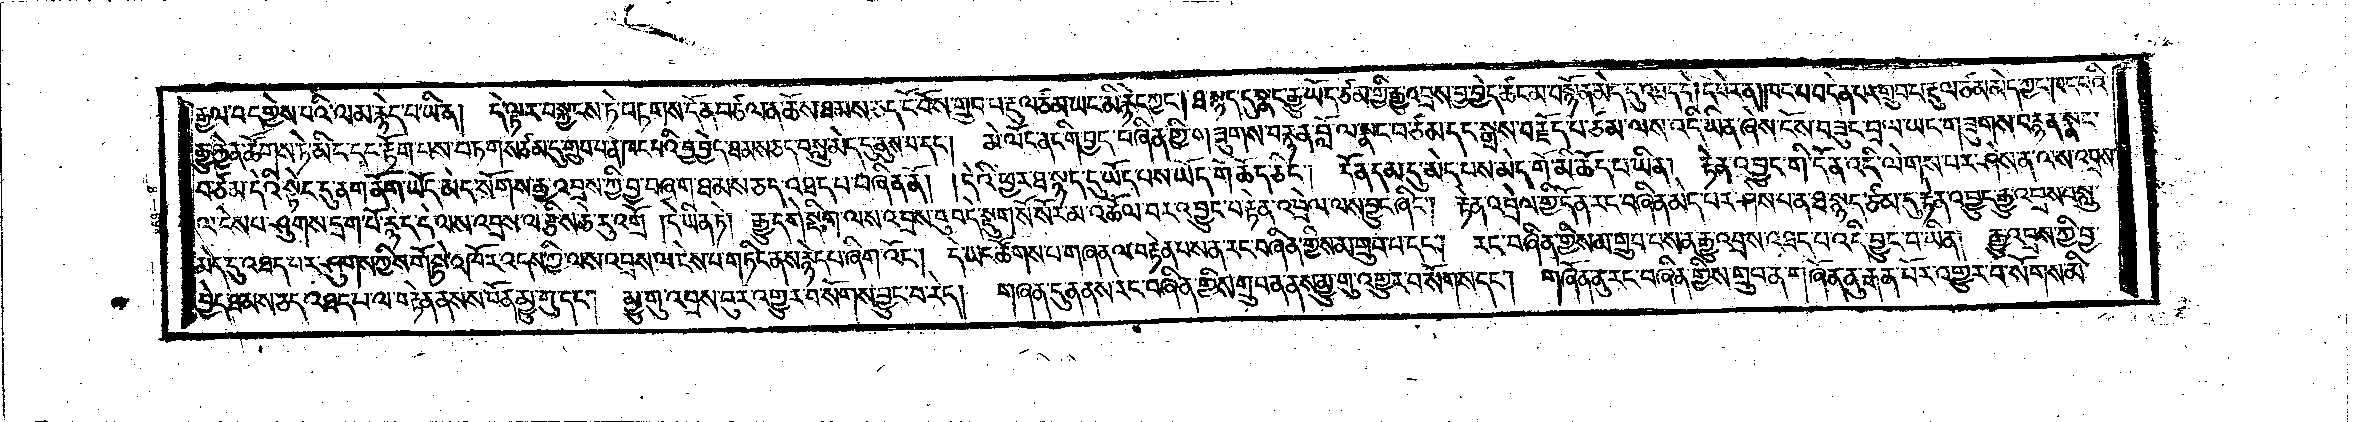རྒྱལ་བ་དགྱེས་པའི་ལམ་རྙེད་པ་ཡིན། དེ་ལྟར་བསྐྱངས་ཏེ་བརྟགས་དོན་བཙལ་ན་ཆོས་ཐམས་ཅད་ངོ་བོས་གྲུབ་པ་རྡུལ་ཙམ་ཡང་མི་རྙེད་ཀྱང་། ཐ་སྙད་དུ་སྣང་རྒྱུ་ཡོད་ཙམ་གྱི་རྒྱུ་འབྲས་བྱ་བྱེད་ཚང་མ་བསྙོན་མེད་དུ་འཐད་དེ། དཔེར་ན། ཁང་པ་བདེན་པར་གྲུབ་པ་རྡུལ་ཙམ་མེད་ཀྱང་ཁང་པའི་
རྒྱུ་རྐྱེན་ཚོགས་ཏེ་མིང་དང་རྟོག་པས་བཏགས་ཙམ་དུ་གྲུབ་པ་ན་ཁང་པའི་བྱ་བྱེད་ཐམས་ཅད་བསླུ་མེད་དུ་ནུས་པ་དང་། མེ་ལོང་ནང་གི་བྱད་བཞིན་གྱི་གཟུགས་བརྙན་བློ་ལ་སྣང་བ་ཙམ་དང་སྒྲས་བརྗོད་པ་ཙམ་ལས་འདི་ཡིན་ཞེས་ངོས་བཟུང་བྲལ་ཡང་གཟུགས་བརྙན་སྣང་
བ་ཙམ་དེའི་སྟེང་དུ་ནག་ནོག་ཡོད་མེད་སོགས་རྒྱུ་འབྲས་ཀྱི་བྱ་བཞག་ཐམས་ཅད་འཐད་པ་བཞིན་ནོ། །དེའི་ཕྱིར་ཐ་སྙད་དུ་ཡོད་པས་ཡོད་གོ་ཆོད་ཅིང་། དོན་དམ་དུ་མེད་པས་མེད་གོ་མི་ཆོད་པ་ཡིན། རྟེན་འབྱུང་གི་དོན་འདི་ལེགས་པར་ཤེས་ན་ལས་འབྲས་
ལ་ངེས་པ་ཤུགས་དྲག་པོ་རྙེད་དེ་ལས་འབྲས་ལ་རྩིས་ཆེ་རུ་འགྲོ་།དེ་ཡིན་ཏེ། རྒྱུ་དགེ་སྡིག་ལས་འབྲས་བུ་བདེ་སྡུག་སོ་སོར་མ་འཆོལ་བར་འབྱུང་བ་རྟེན་འབྲེལ་ལས་བྱུང་ཞིང་། རྟེན་འབྲེལ་གྱི་དོན་རང་བཞིན་མེད་པར་ཤེས་པ་ན་ཐ་སྙད་ཙམ་དུ་རྟེན་འབྱུང་རྒྱུ་འབྲས་བསླུ་
མེད་དུ་འཐད་པར་ཤུགས་ཀྱིས་གོ་སྟེ་འཁོར་འདས་ཀྱི་ལས་འབྲས་ལ་ངེས་པ་གཏིང་ནས་རྙེད་པ་ཞིག་འོང་། དེ་ཡང་ཚོགས་པ་གཞན་ལ་བརྟེན་པས་ན་རང་བཞིན་གྱིས་མ་གྲུབ་པ་དང་། རང་བཞིན་གྱིས་མ་གྲུབ་པས་ན་རྒྱུ་འབྲས་འཐད་པ་འདི་བྱུང་བ་ཡིན། རྒྱུ་འབྲས་ཀྱི་བྱ་
བྱེད་ཐམས་ཅད་འཐད་པ་ལ་བརྟེན་ནས་ས་བོན་མྱུ་གུ་དང་། མྱུ་གུ་འབྲས་བུར་འགྱུར་བ་སོགས་བྱུང་བ་རེད། གཞན་དུ་ན་ནས་རང་བཞིན་གྱིས་གྲུབ་ན་ནས་མྱུ་གུ་འགྱུར་བ་སོགས་དང་། གཞོན་ནུ་རང་བཞིན་གྱིས་གྲུབ་ན་གཞོན་ནུ་རྒན་པོར་འགྱུར་བ་སོགས་མི་